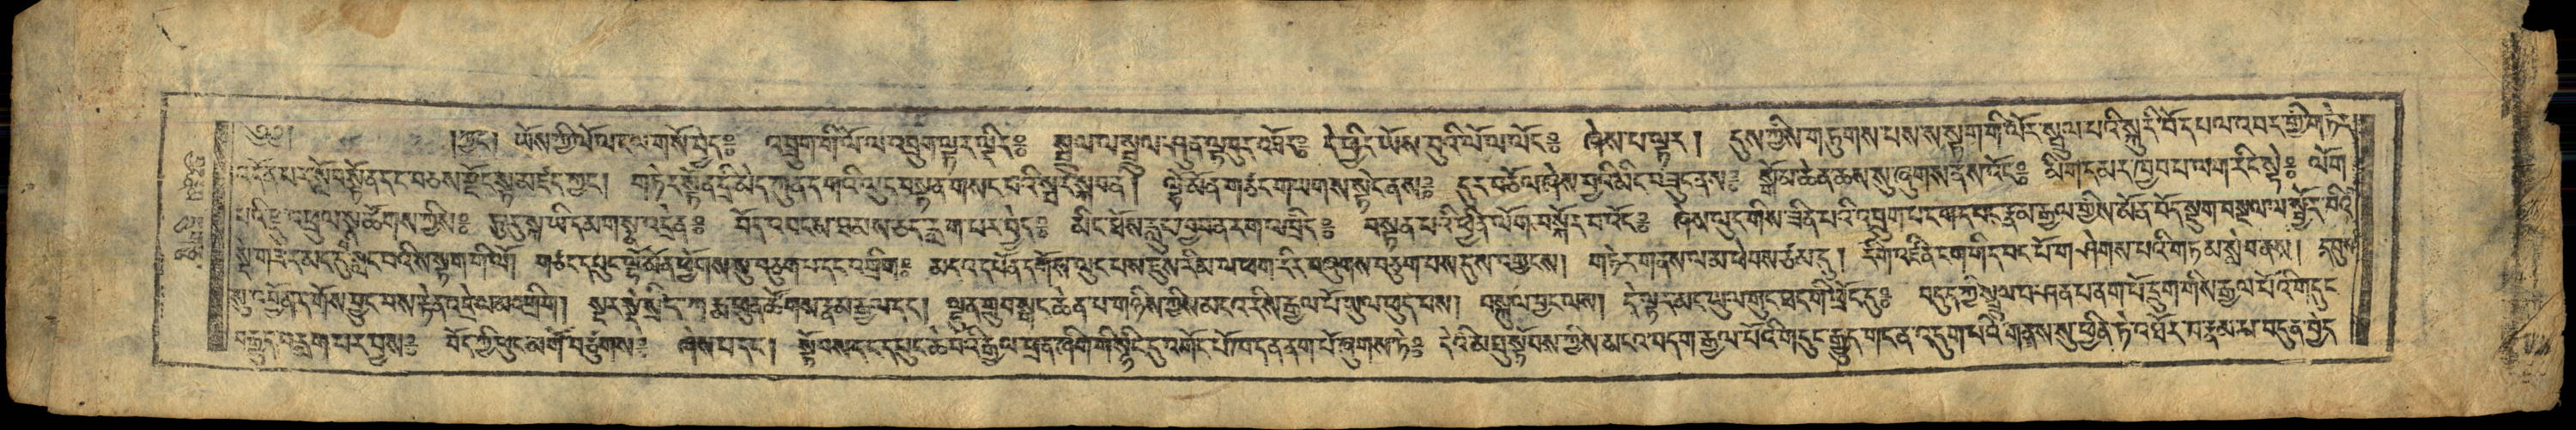༄༅། །ཀྱང་། ཡོས་?་ཀྱི་ལོ་ལང་ལ་གསོ་བྱེདཿ་འབྲུག་གེ་ལོ་ལ་འབྲུག་ལྟར་ལྡིརཿ་སྤྲུལ་ལ་སྤྲུལ་ཤུན་ལྟ་བུར་འཐོདཿ་དེ་ཕྱིར་ཡོས་བུའི་ལོ་ལ་ལོངཿ་ཞེས་པ་ལྟར། དུས་ཀྱིས་གཏུགས་པས་ས་སྟག་གི་ལོར་སྤྲུལ་པའི་སྐུ་རི་བོ་དཔལ་འབར་གྱི་གཏེར་
འདོན་པར་སློ་བསྟོན་དང་བཅས་རྫོང་སྟ་མཛད་ཀྱང་། གཏར་སྟོན་རི་མེད་ཀུན་དགའི་ལུང་བསྟན་གསང་པའི་སྤར་སྐབ་ན། ལྷོ་མོན་གཙང་གཡག་ས་སྟང་ནསཿ་དུར་བཅོལ་ཞེས་བྱའི་མིང་བཟུང་ནསཿ་སྒོམ་ཆེན་ཆས་སུ་ཞུགས་ནས་འོངཿ་མིག་དམར་ཁྱབ་པ་ལག་རིང་སྟེཿ་ལོག་
པའི་རྫུ་འཕྲུལ་སྣ་ཚོགས་ཀྱིསཿ་ཏུ་རུ་སྐད་ཡི་དམག་སྣ་འདྲེནཿ་བོད་འབངས་ཐམས་ཅད་རླག་པར་བྱེདཿ་མིང་ཐོས་རླུང་ཁྱབ་ན་རག་འཁྲིདཿ་བསྟན་པའི་ཕྱིན་ལོག་བསྐོར་བ་འོངཿ་ཤེས་ལུང་གིས་ཟིན་པའི་འབྲུག་པ་ངག་དབང་རྣམ་རྒྱལ་གྱིས་མོན་བོད་སྡུག་བསྔལ་ཡ་སྦྱོར་བའི་
སྡེ་གཟར་མང་དུ་སླང་བའི་ས་སྟག་གི་ལོ། གཙང་དཔུང་ལྟེ་མིན་ཕྱོགས་སུ་བཅུག་པ་དང་འགྲིགཿ་མངའ་དཔོན་དགོས་ལུང་པས་ཇུས་རིམ་ལ་ཕག་རིར་བཞུགས་བཅུག་པས་དུས་འགྱངས། གཏེར་གནས་ལམ་ཕེབས་ཙམ་དུ། རིག་འཛིན་ངག་གི་དབང་པོ་གཤེགས་པའི་གཏམ་སླེབ་ནས། དབུས་
སུ་འབྱོན་དགོས་བྱུང་བས་རྟེན་འདྲེལ་མ་འགྲིག། སྔར་སྡེ་སྲིད་ཀརྨ་ཕུན་ཚོགས་རྣམས་རྒྱལ་དང་། ལྷུན་གྲུབ་སྒང་ཆེན་པ་གཉིས་ཀྱིས་མངའ་རིས་རྒྱལ་པོ་ཡུལ་ཕུད་པས། བསྐུལ་བྱང་ལས། དེ་ལྟར་མང་ཡུལ་གུང་ཐང་གི་ཕྲོང་དུཿ་བདུད་ཀྱི་སྤྲུལ་པ་ཤན་པ་ནག་པོ་དྲུག་གིས་རྒྱལ་པོའི་གདུང་
བརྒྱུད་བརླག་པར་བྱསཿ་བོད་ཀྱི་ཕུང་མགོ་བཙུགསཿ་ཞེས་པ་དང་། སྟོབས་དང་དཔུང་ཆེ་བའི་རྒྱལ་ཕྲན་ཞིག་གི་སྙིང་དུ་འགོད་པོ་ཁ་དན་ནག་པོ་ཞུགས་ཏེཿ་དེའི་མཐུ་སྟོབས་ཀྱིས་མངའ་བདག་རྒྱལ་པོའི་གདུང་རྒྱུད་གང་ན་འདུག་པའི་གནས་སུ་ཕྱིན་ཏེ་འཐོར་བ་རྣམ་པ་བདུན་བྱེད་